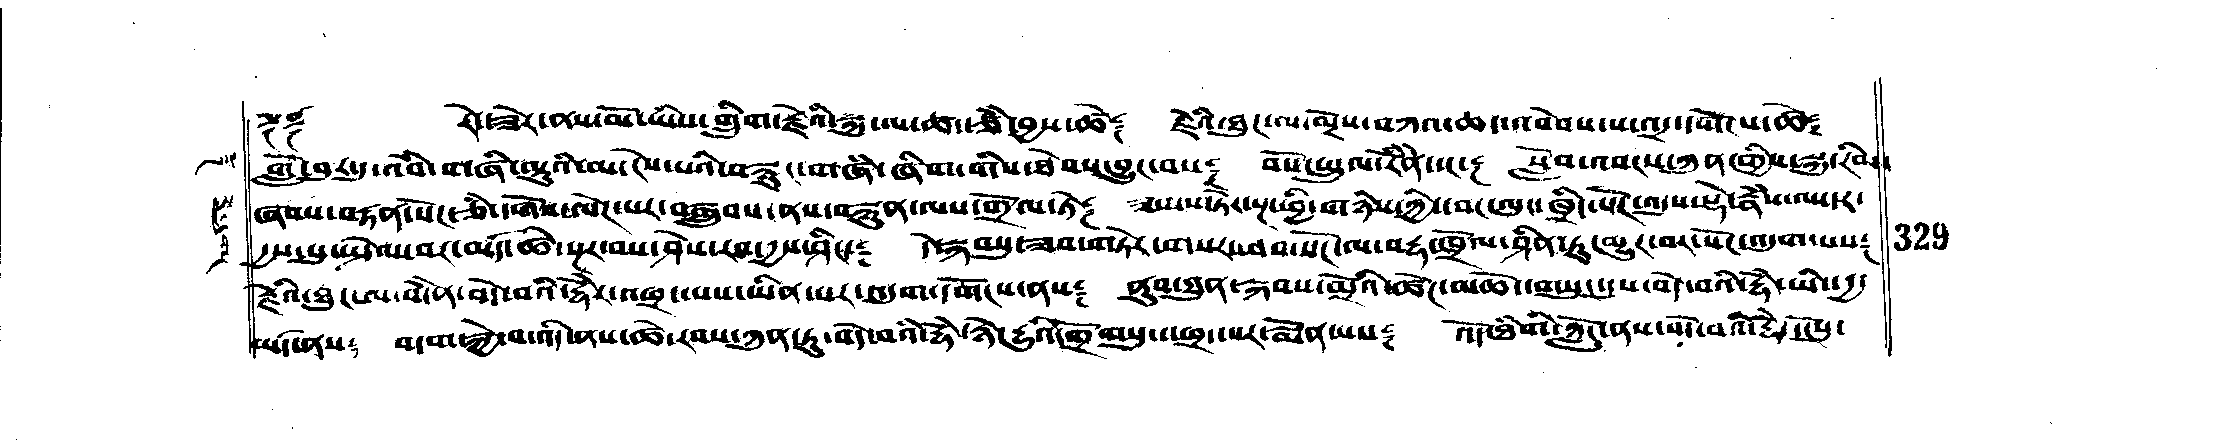རེད་ཟེར་ནས་མོ་ཡིས་གྲུ་ཞིག་རྗེའི་སྐུ་ལ་ཚད་ཙམ་བྱས་ཚེ། རྗེའི་ཐུགས་ལ་མཁའ་འགྲོས་བཀའ་ཆད་འབེབས་པ་འདྲ་དགོངས་ཚེ། 
གློ་བུར་དུ་འབམ་གཞི་ལྟ་བུའི་མ་ངེས་པའི་བསྙུང་གཞི་ཞིག་གིས་ཐེབས་བྱུང་བས། བསོ་སྤྲུལ་རིན་པོ་ཆེ་དང་། སློབ་འབངས་ཀུན་གྱིས་སྐུ་རིམ་
ཞབས་བརྟན་སོགས་ཅི་དགོས་ལེགས་པར་བསྒྲུབས་ནས་བསྙུན་ལས་གྲོལ་ཏེ། ཟབ་གཏེར་སྔ་ཕྱི་གཉིས་ཀྱི་དབང་ལུང་ཁྲིད་སོགས་འདུས་སྡེ་རྣམས་ལ་དར་
རྒྱས་སུ་སྤེལ་བར་མཛད་ཚེ་སྔར་བས་ཤེས་རབ་རྒྱས་ཤིང་། དེ་སྐབས་སུ་ཟབ་གཏེར་གསར་ཕབ་སོགས་ལ་བརྡ་ཁྲོལ་ཤིན་ཏུ་མྱུར་བར་སོགས་འདུག་པས། 
རྗེའི་ཐུགས་ལ་བདེ་ཆེན་བདེ་བའི་རྡོ་རྗེར་འཕྲད་པས་ཡིན་པར་འདུག་དགོངས་ནས། ནུབ་ཐུན་སྐབས་མཁའ་འགྲོའི་ཚོགས་མཆོད་གསུང་དུས་བདེ་བའི་རྡོ་རྗེ་ཡིད་རྒྱ་
མཛད་ནས། བདག་སྐྱེ་བ་འདི་ནས་ཚེ་རབས་ཀུན་ཏུ་བདེ་བའི་རྡོ་རྗེ་ཉེ་རྒྱུའི་གྲོགས་སུ་འཕྲད་པར་སྨོན་པས། འོད་ཐིག་གི་ཀློང་ནས་བདེ་བའི་རྡོ་རྗེ་དངོས་སུ་